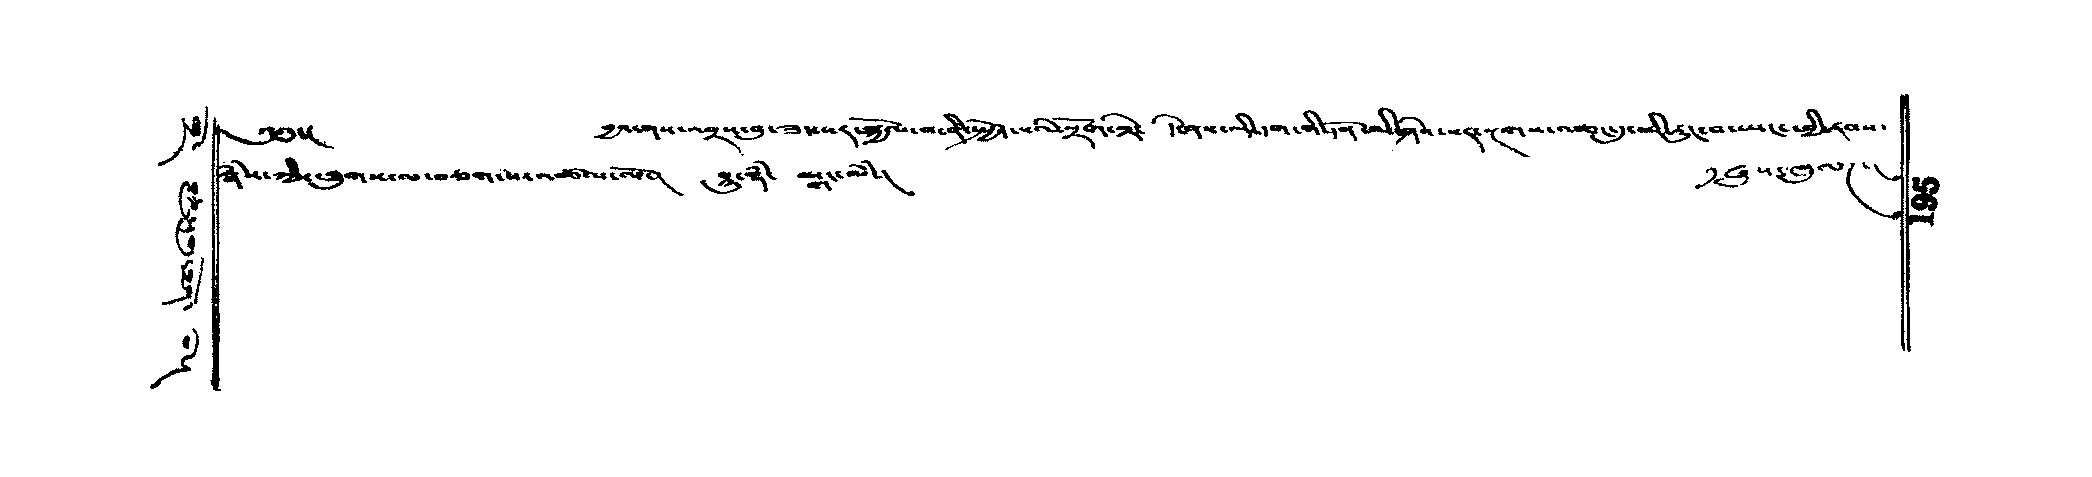བྱས་ནས་འབྲས་བུ་ཟས་པར་སྐྱོལ་བ་ནི་སྤྱོད་པའི་སྲོག་སྟེ། དེ་ནས་འདི་དག་གི་དོན་མི་ཤེས་པར་སྔགས་འཆང་དུ་མི་རུང་བ་ཡང་ཕྱི་རབས་
རྣམས་ཀྱི་ཐུགས་ལ་བཅགས་འཚལ་ལོ། ཤུ་བྷཾ། མངྒ་ལཾ།